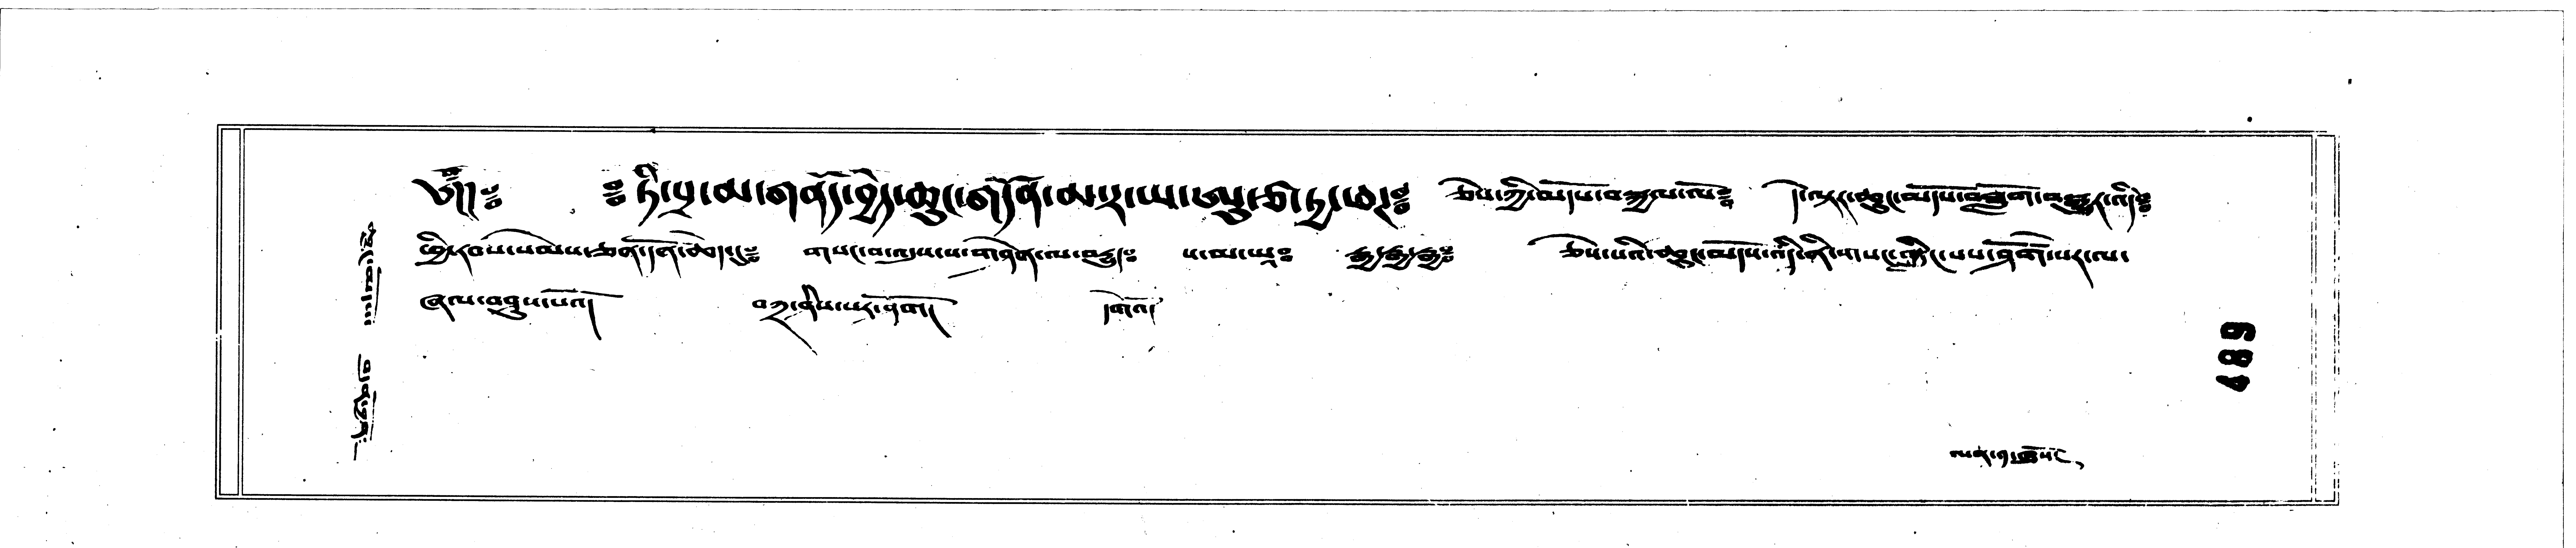༔ཏི་པྲ་མ་གནོད་བྱེད་ཆུང་གདོན་མ་ར་ཡ་ཨུ་ཙ་ཏྱ་ཕཊ༔ཅེས་ཀྱི་མདོས་བསྐྱལ་ལོ༔ དེ་ལྟར་ཆུང་མདོས་བཟློག་བསྒྱུར་འདི༔
ཕྱི་རབས་སེམས་ཅན་དོན་ཆེད་དུ༔གསང་བ་འདུས་པ་གཤེན་ལ་བརྒྱུད༔ས་མ་ཡཱ༔རྒྱ་རྒྱ་རྒྱ༔ཅེས་པའི་ཆུང་མདོས་འདི་ནི་གསང་གླིང་པས་ཤོག་སེར་ལས་
ཞལ་བཤུས་པའོ། བཀྲ་ཤིས་པར་ཤོག དགེའོ།